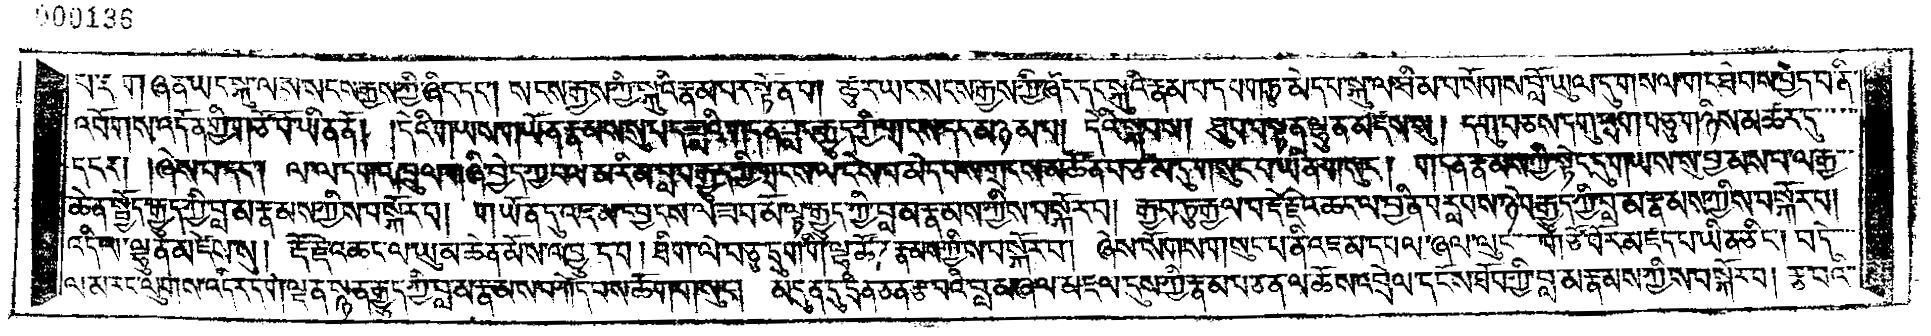པ༑ གཞན་ཡང་སྐུ་ལས་སངས་རྒྱས་ཀྱི་ཞིང་དང་། སངས་རྒྱས་ཀྱི་སྐུའི་རྣམ་པར་སྟོན་པ། ཚུར་ཡང་སངས་རྒྱས་ཀྱི་ཞིང་དང་སྐུའི་རྣམ་པ་དཔག་ཏུ་མེད་པ་སྐུ་ལ་ཐིམ་པ་སོགས་བློ་ཡུལ་དུ་གསལ་གང་ཐེབས་བྱེད་པ་ནི་
འབོགས་འདོན་གྱི་གཙོ་བོ་ཡིན་ནོ། །དེའི་གཡས་གཡོན་རྣམས་སུ་པད་ཟླའི་གདན་བླ་བརྒྱུད་ཀྱི་གྲངས་དང་མཉམ་པ། དེའི་སྐབས། ཐུབ་བསྟན་ལྷུན་མཛས་སུ། དགུ་བཅས་དགུ་ཕྲག་བཅུ་གཉིས་མཚར་དུ་
དངར། །ཞེས་པ་དང་། ལ་ལ་དག་འཁྲུལ་གཞི་བྱེད་ཀྱང་ལམ་རིམ་བླ་བརྒྱུད་ཀྱི་གྲངས་ལ་ངེས་པ་མེད་བས་གྲངས་མཚོན་པ་ཙམ་དུ་གསུང་བ་ཡིན་གསུང་། གདན་རྣམས་ཀྱི་སྟེང་དུ་གཡས་སུ་བྱམས་པ་ལ་རྒྱ་
ཆེན་སྤྱོད་བརྒྱུད་ཀྱི་བླ་མ་རྣམས་ཀྱིས་བསྐོར་བ། གཡོན་དུ་འཇམ་དབྱངས་ལ་ཟབ་མོ་ལྟ་བརྒྱུད་ཀྱི་བླ་མ་རྣམས་ཀྱིས་བསྐོར་བ། རྒྱབ་ཏུ་རྒྱལ་བ་རྡོ་རྗེ་འཆང་ལ་བྱིན་བརླབས་ཉེ་བརྒྱུད་ཀྱི་བླ་མ་རྣམས་ཀྱིས་བསྐོར་བ།
འདི་ལ་ལྷུན་མཛེས་སུ། རྡོ་རྗེ་འཆང་ལ་ཡུམ་ཆེན་མོས་འཁྱུད་པ། ཐིག་ལེ་བཅུ་དྲུག་གི་ལྷ་ཚོགས་རྣམས་ཀྱིས་བསྐོར་བ། ཞེས་སོགས་གསུང་པ་ནི་འཇམ་དཔལ་ཞལ་ལུང་གཙོ་བོར་མཛད་པ་ཡིན་ཅིང་། བདེ་
ལམ་རང་ལུགས་འདིར་དགེ་ལྡན་སྙན་རྒྱུད་ཀྱི་བླ་མ་རྣམས་བཀོད་པས་ཆོག་གསུང་། མདུན་དུ་དྲིན་ཅན་རྩ་བའི་བླ་མ་ཞལ་མཇལ་དུས་ཀྱི་རྣམ་པ་ཅན་ལ་ཆོས་འབྲེལ་དངོས་ཐོབ་ཀྱི་བླ་མ་རྣམས་ཀྱིས་བསྐོར་བ། རྩ་བའི་